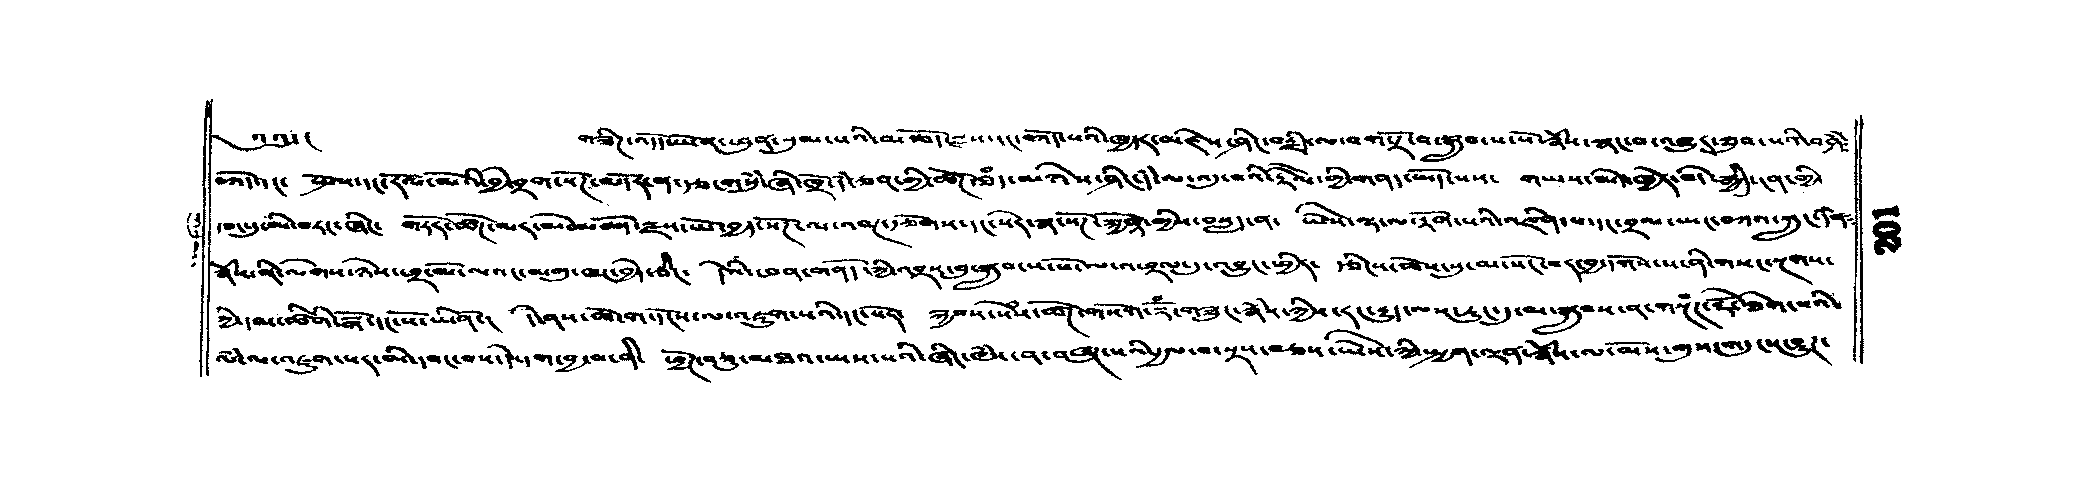གཟིགས་འདོད་ཡོན་ཕུན་སུམ་པའི་མཆོད་རྫས་དང་བཀོད་པའི་ཁྱད་པར་མཛེས་ཤིང་བརྗིད་ལ་བག་དྲོ་བ་བསྒྲུབ་པ་པོ་རྣམས་སྣང་བ་འགྱུར་ཐུབ་པའི་བཤམ་
བཀོད་དང་། སྤོས་དང་རོལ་མོའི་བྱེ་བྲག་སོགས་མདོར་ན་རྩ་གསུམ་ཞི་ཁྲོ་དམ་ཅན་གྱི་ཚོགས་ཐམས་ཅད་མཉེས་ཤིང་དམ་ལ་འདུ་བའི་རྟེན་འབྲེལ་གྱི་གནད་ཡོད་པས། གཡས་མེད་ཁྱེར་བདེ་སྒྱིད་ངན་གྱི་
དབང་དུ་མི་བཏང་བར། གཏོར་ཚོགས་མར་མེ་མཆོད་རྫས་ཡོ་བྱད་ལ་འབགས་རྩོགས་དང་སེར་སྣ་སོགས་སྐྱོན་གྱིས་བསླད་ན། ཡེ་ཤེས་ལྷ་ལ་རྟོག་པའི་འཛིན་པ་དང་བྲལ་ཡང་བཀའ་སྲུང་དམ་ཅན་
རྣམས་ནི་ལེགས་ཉེས་ཕྲ་མོ་ལའང་མགུ་ཁང་བྱེད་ཅིང་། དེའི་ཕན་གནོད་ཀྱི་འབྲས་བུ་སྒྲུབ་པ་པོ་ལ་འཕྲལ་དུ་འབྱུང་ཕྱིར། རྩིངས་ཆོས་སུ་མ་སོང་བར་བྱ་དགོས་པ་ནི་གསང་སྔགས་
ཀྱི་དམ་ཚིག་སྒོ་དང་པོ་ཡིན་ནོ། དེ་ནས་ཆོ་ག་དངོས་ལ་འཇུག་པའི་དང་པོར། སྐྱབས་སེམས་ཚོགས་གསོག་སྡོམ་གཟུང་རྣམས་ཀྱི་རང་རྒྱུད་ལས་རུང་དུ་མ་སྒྲུབས་ན་གསང་སྔགས་རྡོ་རྗེ་ཐེག་པའི་
ལམ་ལ་འཇུག་པར་མི་དབང་བས་དེ་དག་བྱ་བ་ནི། ཕྱོགས་བཅུ་མཐའ་ཡས་པའི་ཞིང་ཁམས་ན་བཞུགས་པའི་རྒྱལ་བ་སྲས་བཅས་ཡེ་ཤེས་ཀྱི་སྤྱན་ལྡན་རྣམས་ལ་མོས་གུས་གདུང་ཤུགས་